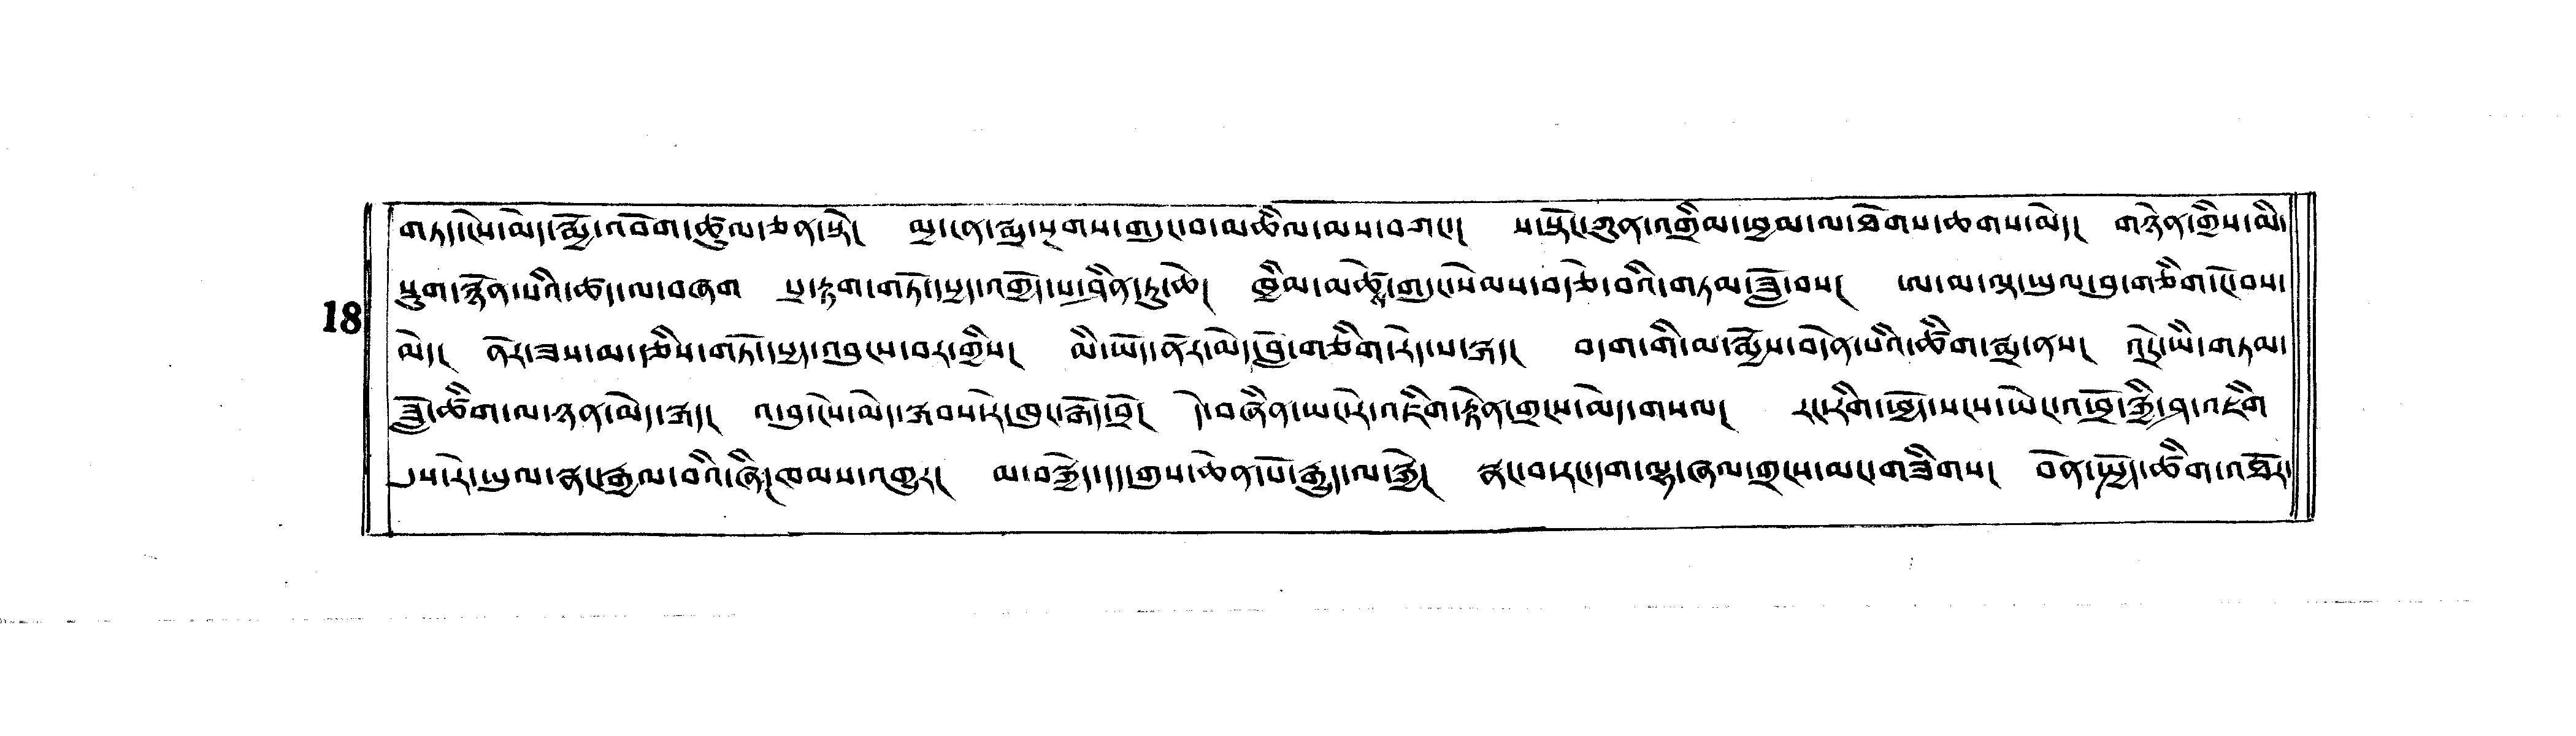གཏད་ངེས་མེད་སྨྱོ་འབོག་ཚུལ་ཅན་ཏེ། མྱ་ངན་སྨྲེ་ངག་གདུང་བ་མཆིལ་མས་བཀང་། ས་སྟོང་ཀུན་འགྲིམས་ཆམ་ལ་ཐོགས་ཆགས་མེད། གཉེན་གྱིས་མི་
སྡུག་སྙོན་པའི་ཚད་ལ་བཞག པྲ་བརྟག་གཏོ་དཔྱད་འགྱོད་པ་ཤིན་ཏུ་ཆེ། ཁྱིམ་མཚེས་གདུང་སེམས་བརྩེ་བའི་གཏམ་བཟློ་བས། ཨ་མ་ལྟ་ཡུལ་བུ་གཅིག་ངོ་བས་
མེད། ནོར་ཟས་མ་བརྩིས་གཏོ་དཔྱད་འབུང་བར་གྱིས། མི་ཡོད་ནོར་མེད་བློ་གཅིག་རེད་པ་སྐད། བདག་གིས་མ་སྨྱོས་བདེན་པའི་ཚིག་སྨྲ་ནས། འདྲེ་ཡི་གཏམ་
ཟློ་ཚིག་ལ་ཉན་མེད་སྐད། འ་བུ་ངེས་མེད་སྐབས་རེ་ཁུང་རྒོད་བྲོ། དེ་་བཞིན་ཡང་རེ་འཇིག་རྟེན་གྲངས་མེད་གསལ། རང་རིགས་ཕྱོ་སངས་ཡེང་འཕྲོ་སྐྱི་ཤ་འཇིག 
དུས་རེ་ཡུལ་སྣང་རྒྱལ་བའི་ཞིང་ཁམས་འགྱུར། མ་བསྐྱེད་དད་གུས་ཆེན་པོ་རྒྱུད་ལ་སྐྱེ། སྣང་བ་རང་དག་ལྷ་ཞལ་གྲངས་མང་གཟིགས། བོན་སྤྱོད་ཚིག་འཐོར་